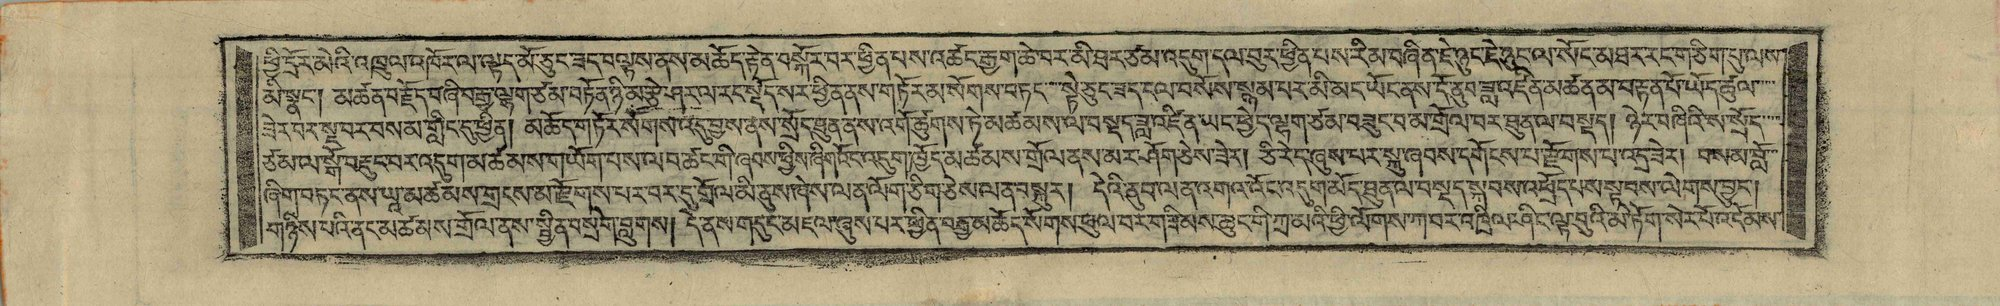ཕྱི་དྲོར་མེའི་འཁྲུལ་འཁོར་ལ་ལྟད་མོ་ཅུང་ཟད་བལྟས་ནས་མཆོད་རྟེན་བསྐོར་བར་ཕྱིན་པས་འཚང་རྒྱག་ཆེ་བར་མི་ཐར་ཙམ་འདུག་དལ་བུར་ཕྱིན་པས་རིམ་བཞིན་ཇེ་ཉུང་ཇེ་ཉུང་ལ་སོང་མཐར་རང་གཅིག་པུ་ལས་
མི་སྣང་། མཚན་བརྗོད་བཞི་བརྒྱ་ལྷག་ཙམ་བཏོན་ཉི་མ་རྩེ་ཤར་ལ་རང་སྡོད་སར་ཕྱིན་ནས་གཏོར་མ་སོགས་བཏང་སྟེ་ཅུང་ཟད་ངལ་བསོས་སྙམ་པར་མི་མང་ཡོང་ནས་དོ་ནུབ་ཟླ་འཛིན་མཚན་མ་བརྟན་པོ་ཡོད་ཚུལ་
ཟེར་བར་སྔ་བར་བསམ་གླིང་དུ་ཕྱིན། མཆོད་གཏོར་སོགས་འདུ་བྱས་ནས་སྲོད་ཐུན་ནས་འགོ་ཚུགས་ཏེ་མཚམས་ལ་བསྡད་ཟླ་འཛིན་ཡང་ཕྱེད་ལྷག་ཙམ་བཟུང་བ་མ་གྲོལ་བར་ཐུན་ལ་བསྡད། ཉེར་བཞིའི་ས་སྲོད་
ཙམ་ལ་སྒོ་བརྡུང་བར་འདུག་མཚམས་གཡོག་པས་ལབ་ཚང་གི་ཞབས་ཕྱིས་ཞིག་འོང་འདུག་ཁྱོད་མཚམས་གྲོལ་ནས་མར་ཤོག་ཅེས་ཟེར། ཅི་རེད་ཞུས་པར་སྐུ་ཞབས་དགོངས་པ་རྫོགས་པ་འདྲ་ཟེར། བསམ་བློ་
ཞིག་བཏང་ནས་ཡཱ་མཚམས་གྲངས་མ་རྫོགས་པར་བར་དུ་གྲོལ་མི་ནུས་ཞེས་ལན་ལོག་ཅིག་ཅེས་ལན་བསྐུར། དེའི་ནུབ་ལན་འགའ་འོང་འདུག་མོད་ཐུན་ལ་བསྡད་སྐབས་འཕྲོད་པས་སྟབས་ལེགས་བྱུང་།
གཉིས་པའི་ནང་མཚམས་གྲོལ་ནས་སྦྱིན་བསྲེག་བླུགས། དེ་ནས་གདུང་མཇལ་ཞུས་པར་ཕྱིན་བརྒྱ་མཆོད་སོགས་ཕུལ་བར་གཟིམས་ཆུང་གི་ཀྲ་མའི་ཕྱི་ལོག་ཀ་བར་འཁྲིལ་ཤིང་ལྟ་བུའི་མེ་ཏོག་སེར་པོ་འདོམས་